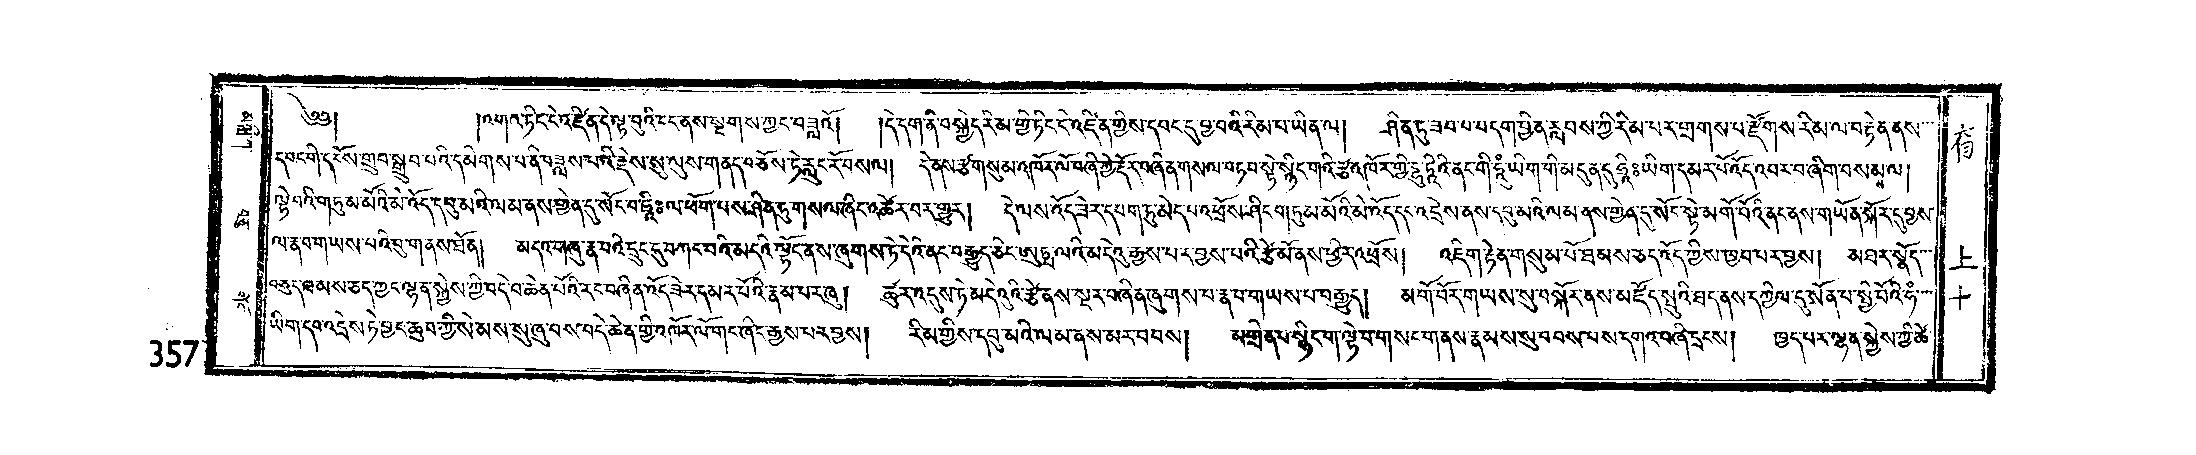༄༅། །འགའ་ཏིང་ངེ་འཛིན་དེ་ལྟ་བུའི་ངང་ནས་སྔགས་ཀྱང་བཟླའོ། །དེ་དག་ནི་བསྐྱེད་རིམ་གྱི་ཏིང་ངེ་འཛིན་གྱིས་དབང་དུ་བྱ་བའི་རིམ་པ་ཡིན་ལ། ཤིན་ཏུ་ཟབ་པ་བདག་བྱིན་རླབས་ཀྱི་རིམ་པར་གྲགས་པ་རྫོགས་རིམ་ལ་བརྟེན་ནས་
དབང་གི་དངོས་གྲུབ་སྒྲུབ་པའི་དམིགས་པ་ནི་བཟླས་པའི་རྗེས་སུ་ལུས་གནད་བཅོས་ཏེ་རླུང་རོ་བསལ། དེ་ནས་རྩ་གསུམ་འཁོར་ལོ་བཞི་ཀྱེ་རྡོར་བཞིན་གསལ་བཏབ་སྟེ་སྙིང་གའི་རྩ་འཁོར་གྱི་དྷུ་ཏཱིའི་ནང་གི་ཧཱུཾ་ཡིག་གི་མདུན་དུ་ཧྲཱིཿ ཡིག་དམར་པོ་འོད་འབར་བ་ཞིག་བསམས་ལ།
ལྟེ་བའི་གཏུམ་མོའི་མེ་འོད་དབུ་མའི་ལམ་ནས་གྱེན་དུ་སོང་བ་ཧྲཱིཿ ལ་ཕོག་པས་ཤིན་ཏུ་གསལ་ཞིང་འཚེར་བར་གྱུར། དེ་ལས་འོད་ཟེར་དཔག་ཏུ་མེད་པ་འཕྲོས་ཤིང་གཏུམ་མོའི་མེ་འོད་དང་འདྲེས་ནས་དབུ་མའི་ལམ་ནས་གྱེན་དུ་སོང་སྟེ་མགོ་བོའི་ནང་ནས་གཡོན་སྐོར་དུ་བྱས་
ལ་རྣ་བ་གཡས་པའི་བུ་གནས་ཐོན། མདའ་གཞུ་རྣ་བའི་དྲུང་དུ་བཀང་བའི་མདའི་ལྟོང་ནས་ཞུགས་ཏེ་དེའི་ནང་བརྒྱུད་ཅིང་ཨུཏྤ་ལའི་མདེའུ་རྒྱས་པར་བྱས་པའི་རྩེ་མོ་ནས་ཕྱིར་འཕྲོས། འཇིག་རྟེན་གསུམ་པོ་ཐམས་ཅད་འོད་ཀྱིས་ཁྱབ་པར་བྱས། མཐར་སྣོད་
བཅུད་ཐམས་ཅད་ཀྱང་ལྷན་སྐྱེས་ཀྱི་བདེ་བ་ཆེན་པོའི་རང་བཞིན་འོད་ཟེར་དམར་པོའི་རྣམ་པར་ཞུ། ཚུར་འདུས་ཏེ་མདེའུའི་རྩེ་ནས་སྔར་བཞིན་ཞུགས་པ་རྣ་བ་གཡས་པ་བརྒྱུད། མགོ་བོར་གཡས་སུ་བསྐོར་ནས་མཛོད་སྤུའི་ཐད་ནས་དཀྱིལ་དུ་སོན་པ་སྤྱི་བོའི་ཧཾ་
ཡིག་དབ་འདྲེས་ཏེ་བྱང་ཆུབ་ཀྱི་སེམས་སུ་ཞུ་བས་བདེ་ཆེན་གྱི་འཁོར་ལོ་གང་ཞིང་རྒྱས་པར་བྱས། རིམ་གྱིས་དབུ་མའི་ལམ་ནས་མར་བབས། མགྲིན་པ་སྙིང་ག་ལྟེ་བ་གསང་གནས་རྣམས་སུ་བབས་པས་དགའ་བཞི་དྲངས། ཁྱད་པར་ལྷན་སྐྱེས་ཀྱི་ཚེ་